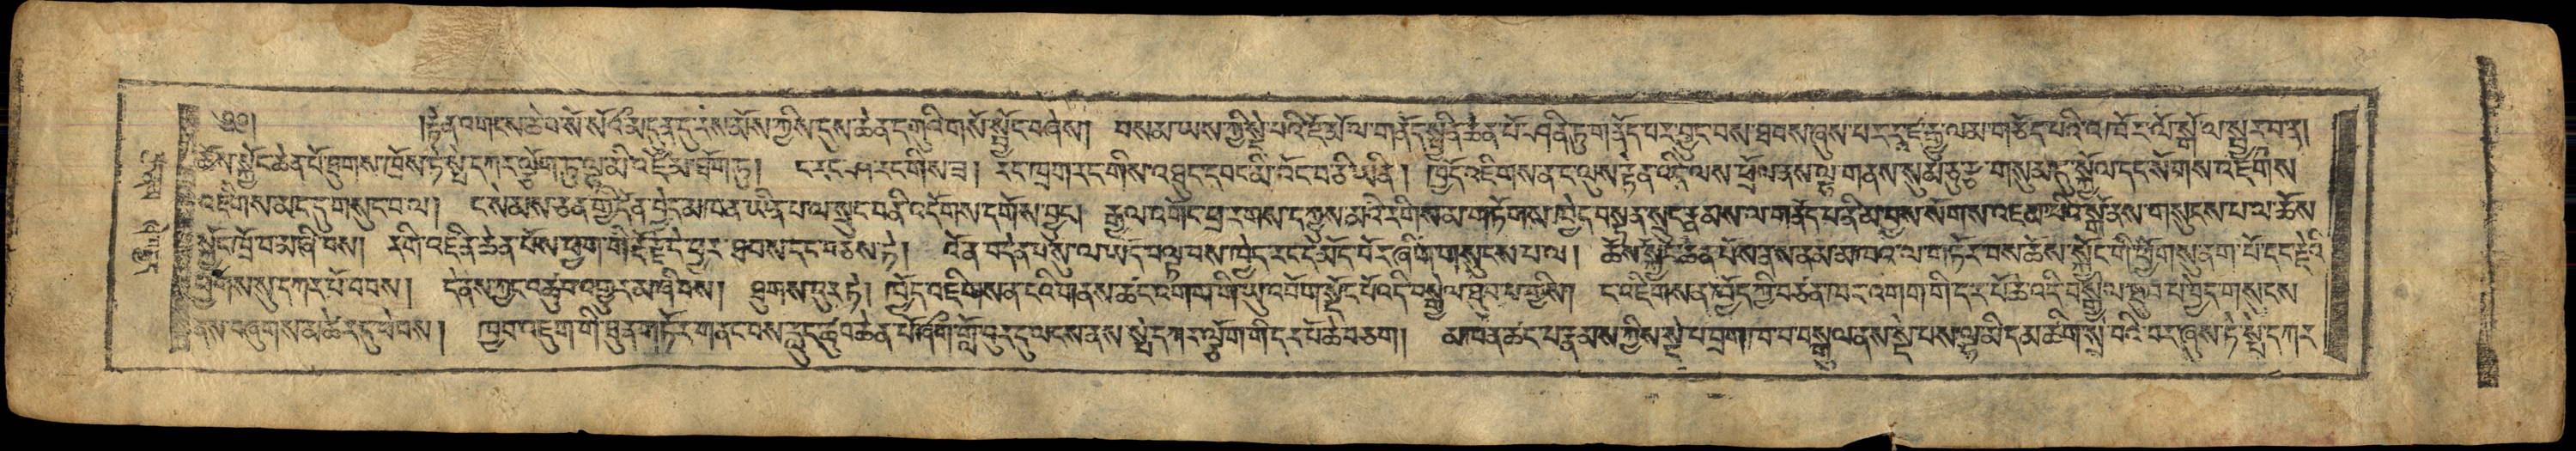༄༅། །རྟེན་འགངས་ཆེ་བ་སོ་སོཨཱྀ་མདུན་དུ་རས་མོས་ཀྱིས་དུས་ཆེན་དགུའི་གསོ་སྦྱོང་བཞེས། བསམ་ཡས་ཀྱི་སྡེ་པའི་ཇོ་མོ་ལ་གནོད་སྦྱིན་ཆེན་པོ་ཤིན་ཏུ་གནོད་པར་བྱུང་བས་ཐབས་ཞུས་པར་རཱ་ཛ་རྒྱུ་ལམ་གཅོད་པའི་འཁོར་ལོ་སྐོ་ལ་སྦྱར་བ་ན།
ཆོས་སྐྱོང་ཆེན་པོ་ཐུགས་ཁྲོས་ཏེ་སྤེ་དཀར་ལྕོག་ཏུ་ལྷ་མི་འཛོམ་?་ཐོག་ཏུ། ང་རང་ཤ་རང་གིས་ཟ། རང་ཁྲག་རང་གིས་འཐུང་དབང་མི་འོང་བ་ཅི་ཡིན། ཁྱོད་འཇིགས་ན་ང་ལུས་རྟེན་འདི་ལས་ཕྲོལ་ནས་ལྷ་གནས་སུམ་ཅུ་རྩ་གསུམ་དུ་སྐྱོལ་དང་སོགས་འཇྀགས་
འཇིགས་མང་དུ་གསུང་བ་ལ། ང་སེམས་ཅན་གྱི་དོན་བྱེད་མཁན་ཡིན་པ་ལ་སྲུང་བ་ནི་འདོགས་དགོས་བྱུང་། རྒྱལ་འགོང་ཕྲ་རགས་བཀྱུས་མའི་རིགས་མ་གཏོགས་ཁྱེད་བསྟན་སྲུང་རྣམས་ལ་གནོད་པ་ནི་མ་བྱས་སོགས་འཇམ་པའི་སྒོ་ནས་གསུངས་པ་ལ་ཆོས་
སྐྱོང་ཁྲོ་བ་མ་ཞི་བས། རིག་འཛིན་ཆེན་པོས་ཕྱག་གི་རྡོ་རྗེ་དེ་ཕྱར་ཐབས་དང་བཅས་ཏེ། འོ་ན་བདེན་པ་སུ་ལ་ཡོད་བལྟ་བས་ཁྱེད་རང་དམོད་བོར་ཞིག་གསུངས་པ་ལ། ཆོས་སྐྱོང་ཆེན་པོས་ནས་ནམ་མཁའ་ལ་གཏོར་བས་ཆོས་སྐྱོང་གི་ཕྱོགས་སུ་ནག་པོ་དང་རྗེའི་
ཕྱོགས་སུ་དཀར་པོ་བབས། དེ་ནས་ཀྱང་འཆུབ་འགྱུར་མ་ཞི་བས། ཐུགས་འུར་ཏེ། ཁྱོད་འཇིགས་ན་ངའི་གནས་ཆང་འགག་གི་ཡུ་འབོག་སྡོང་པོ་འདི་བསྒྱེལ་ཐུབ་པ་གྱིས། ང་འཇིགས་ན་ཁྱོད་ཀྱི་བཙན་ཁང་འགག་གི་དར་པོ་ཆེ་འདི་བསྒྱེལ་ཐུབ་པ་བྱེད་གསུངས་
ནས་བཞུགས་མཚེར་དུ་ཕེབས། ཁྱབ་འཇུག་གི་ཐུན་གཏོར་གནང་བས་རླུང་ཚུབ་ཆེན་པོ་ཞྀག་གློ་བུར་དུ་ལངས་ནས་སྤ་དཀར་ལྕོག་གི་ངར་པོ་ཆེ་བཅག། མཁན་ཚང་བ་རྣམས་ཀྱིས་སྡེ་པ་བྲག་ཁ་བ་བསྒུལ་ནས་སྡེ་པས་ལྷ་མི་དམ་ཚིག་སྲེ་བའི་བར་ཞུས་ཏེ་སྤེ་དཀར་